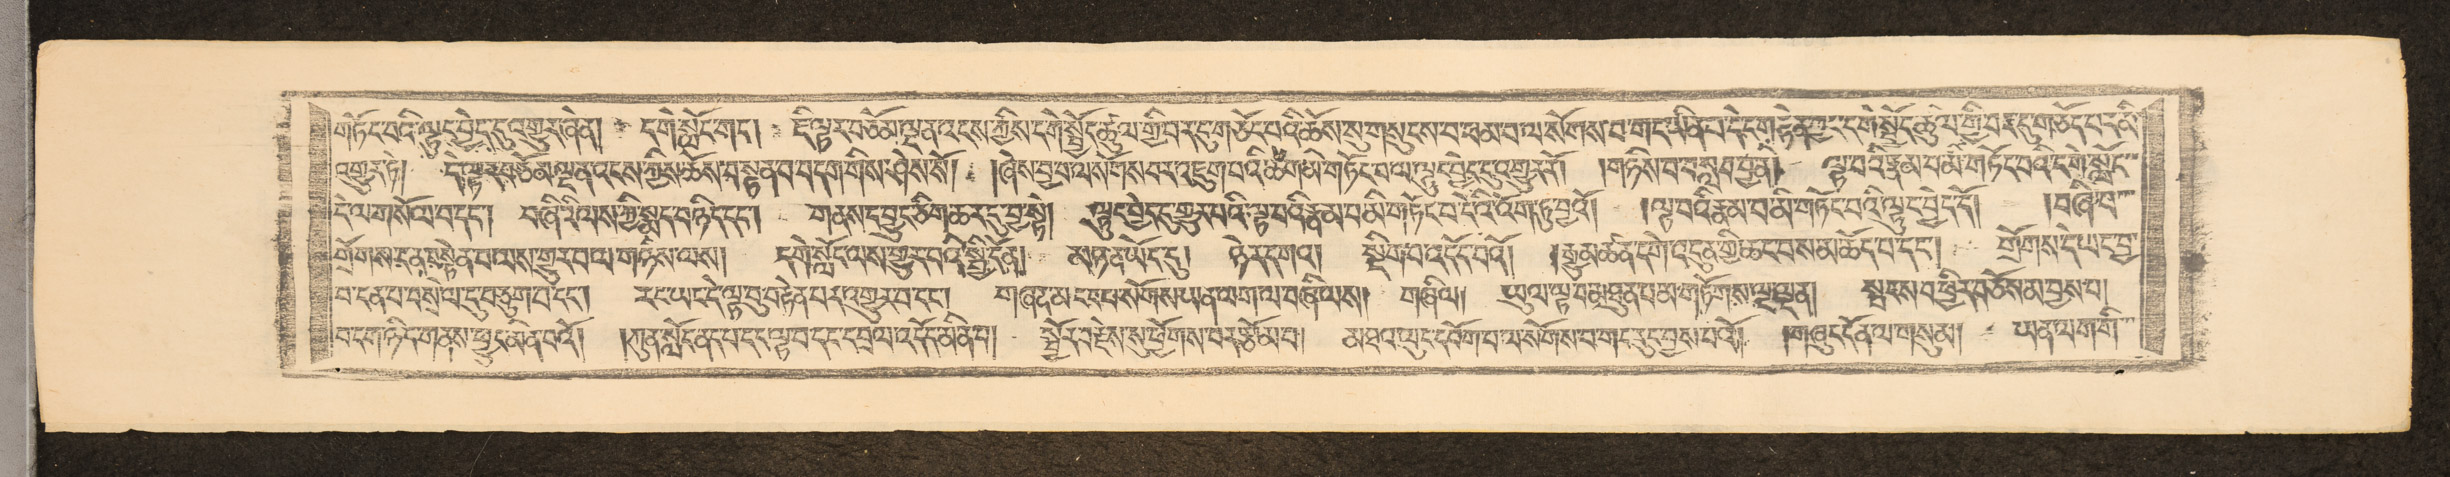གཏོང་བའི་ལྟུང་བྱེད་དུ་འགྱུར་ཞེན། དགེ་སློང་གང་། ཇི་ལྟར་བཅོམ་ལྡན་འདས་ཀྱིས་དགེ་སྦྱོང་ཚུལ་གྱི་བར་དུ་གཅོད་པའི་ཆོས་སུ་གསུངས་པ་ཕམ་པ་ལ་སོགས་པ་གང་ཡིན་པ་དེ་དག་རྟེན་ཀྱང་དགེ་སྦྱོང་ཚུལ་གྱི་པར་དུ་གཅོད་པར་མི་།
འགྱུར་ཏེ། དེ་ལྟར་བཅོམ་ལྡན་འདས་ཀྱིས་ཆོས་བསྟན་པ་བདག་གིས་ཤེས་སོ། །ཞེས་བྱ་བ་ལ་སོགས་བར་འཇུག་པའི་ཚིག་མི་གཏོང་བ་ལ་ལྟུང་བྱེད་དུ་འགྱུར་རོ། །གཉིས་པ་བསླབ་བྱ་ནི། ལྟ་བའི་རྣམ་པ་མ་གཏོང་བའི་དགེ་སློང་
དེ་ལ་གསོལ་བ་དང་། བཞིའི་ལས་ཀྱི་སྨད་པ་ཉིད་དང་། གནས་དབྱུང་ཅིག་ཆར་དུ་བྱ་སྟེ། ལྟུང་བྱེད་དུ་གྱུར་པའི་ལྟ་བའི་རྣམ་པ་མི་གཏོང་བ་དེའི་འོག་ཏུ་བྱའོ། །ལྟ་བའི་རྣམ་པ་མི་གཏོང་བའི་ལྟུང་བྱེད་དོ། །བཞི་པ་
གྲོགས་ངན་བསྟེན་པ་ལས་གྱུར་པ་ལ་གཉིས་ལས། དགེ་སློང་ལས་གྱུར་པའི་སྤྱི་དོན། མཉན་ཡོད་དུ། ཉེར་དགའ། སྡིག་པ་འདོད་པའོ། །རྒྱུ་མཚན་དགེ་འདུན་གྱི་ཆད་པས་མཆོད་པ་དང་། གྲོགས་དེ་ཡང་བྱ་
བ་ངན་པ་བསྲེལ་དུ་བཅུག་པ་དང་། རང་ཡང་དེ་ལྟ་བུ་བརྟེན་པར་འགྱུར་བ་དང་། གཞན་མ་དད་པ་སོགས་ཡན་ལག་ལ་བཞི་ལས། གཞིལ། ཡུལ་ལྟ་བ་མཐུན་པ་མ་གཏོགས་ལྔ་ལྡན། སྤངས་པ་ཕྱིར་བཅོས་མ་བྱས་པ།
བདག་ཉིད་གནས་ཕྱུང་མིན་པའོ། །ཀུན་སློང་ནང་པ་དང་ལྟ་བ་དང་དབྲལ་འདོད་མིན་པ། སྦྱོར་བརྗེས་སུ་ཕྱོགས་པར་རྩོམ་པ། མཐའ་ལུང་དཔོག་པ་ལ་སོགས་པ་གང་རུང་བྱས་པའོ། །གཞུང་དོན་ལ་གསུམ། ཡན་ལག་གི་